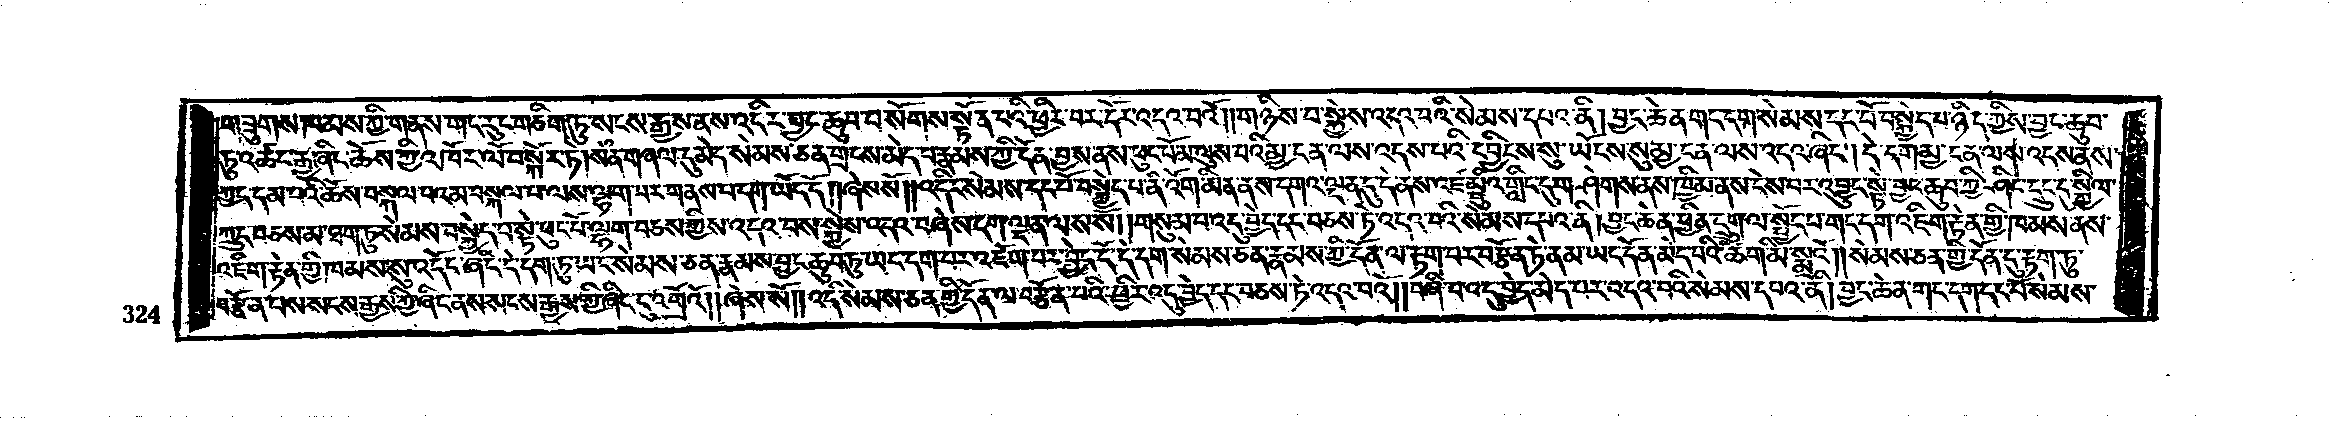གཟུགས་ཁམས་ཀྱི་གནས་གང་རུང་གཅིག་ཏུ་སངས་རྒྱས་ནས་འདིར་བྱང་ཆུབ་པ་སོགས་སྟོན་པའི་ཕྱིར་བར་དོར་འདའ་བའོ། །གཉིས་པ་སྐྱེས་འདའ་བའི་སེམས་དཔའ་ནི། བྱང་ཆེན་གང་དག་སེམས་དང་པོ་བསྐྱེད་པ་ཉིད་ཀྱིས་བྱང་ཆུབ་
ཏུ་འཚང་རྒྱ་ཞིང་ཆོས་ཀྱི་འཁོར་ལོ་བསྐོར་ཏེ། སེམས་ཅན་གཞལ་དུ་མེད་སེམས་ཅན་གྲངས་མེད་པ་རྣམས་ཀྱི་དོན་བྱས་ནས་ཕུང་པོ་མ་ལུས་པའི་མྱ་ངན་ལས་འདས་པའི་དབྱིངས་སུ་ཡོངས་སུ་མྱ་ངན་ལས་འདའ་ཞིང་། དེ་དག་མྱ་ངན་ལས་འདས་ནས་
ཀྱང་དམ་པའི་ཆོས་བསྐལ་པའམ་བསྐལ་པ་ལས་ལྷག་པར་གནས་པ་དག་ཡོད་དོ། །ཞེས་སོ། །འདིར་སེམས་དང་པོ་བསྐྱེད་པ་ནི་འོག་མིན་ནས་དགའ་ལྡན་དུ་དེ་ནས་འཛམ་བུའི་གླིང་དུ་གཤེགས་ནས་ཁྱིམ་ནས་ངེས་པར་འབྱུང་སྟེ་བྱང་ཆུབ་ཀྱི་ཤིང་དྲུང་དུ་སྐྱིལ་
ཀྲུང་བཅས་མ་ཐག་ཏུ་སེམས་བསྐྱེད་པ་སྟེ་ཕུང་པོ་ལྷག་བཅས་ཀྱིས་འདའ་བས་སྐྱེས་འདའ་བཞེས་དག་ལྡན་ལས་སོ། །གསུམ་པ་འདུ་བྱེད་དང་བཅས་ཏེ་འདའ་བའི་སེམས་དཔའ་ནི། བྱང་ཆེན་ཕྱིན་དྲུག་ལ་སྤྱོད་པ་གང་དག་འཇིག་རྟེན་གྱི་ཁམས་ནས་
འཇིག་རྟེན་གྱི་ཁམས་སུ་འདོང་ཞིང་དེ་དག་ཏུ་ཡང་སེམས་ཅན་རྣམས་བྱང་ཆུབ་ཏུ་ཡང་དག་པར་འཇོག་པར་བྱེད་དོ་དེ་དག་སེམས་ཅན་རྣམས་ཀྱི་དོན་ལ་རྟག་པར་བརྩོན་ཏེ་ནམ་ཡང་དོན་མེད་པའི་ཚིག་མི་སྨྲའོ། །སེམས་ཅན་གྱི་དོན་དུ་རྟག་ཏུ་
བརྩོན་པས་སངས་རྒྱས་ཀྱི་ཞིང་ནས་སངས་རྒྱས་ཀྱི་ཞིང་དུ་འགྲོའོ། །ཞེས་སོ། །འདི་སེམས་ཅན་གྱི་དོན་ལ་བརྩོན་པའི་ཕྱིར་འདུ་བྱེད་དང་བཅས་ཏེ་འདའ་བའོ། །བཞི་པ་འདུ་བྱེད་མེད་པར་འདའ་བའི་སེམས་དཔའ་ནི། བྱང་ཆེན་གང་དག་དང་པོ་སེམས་